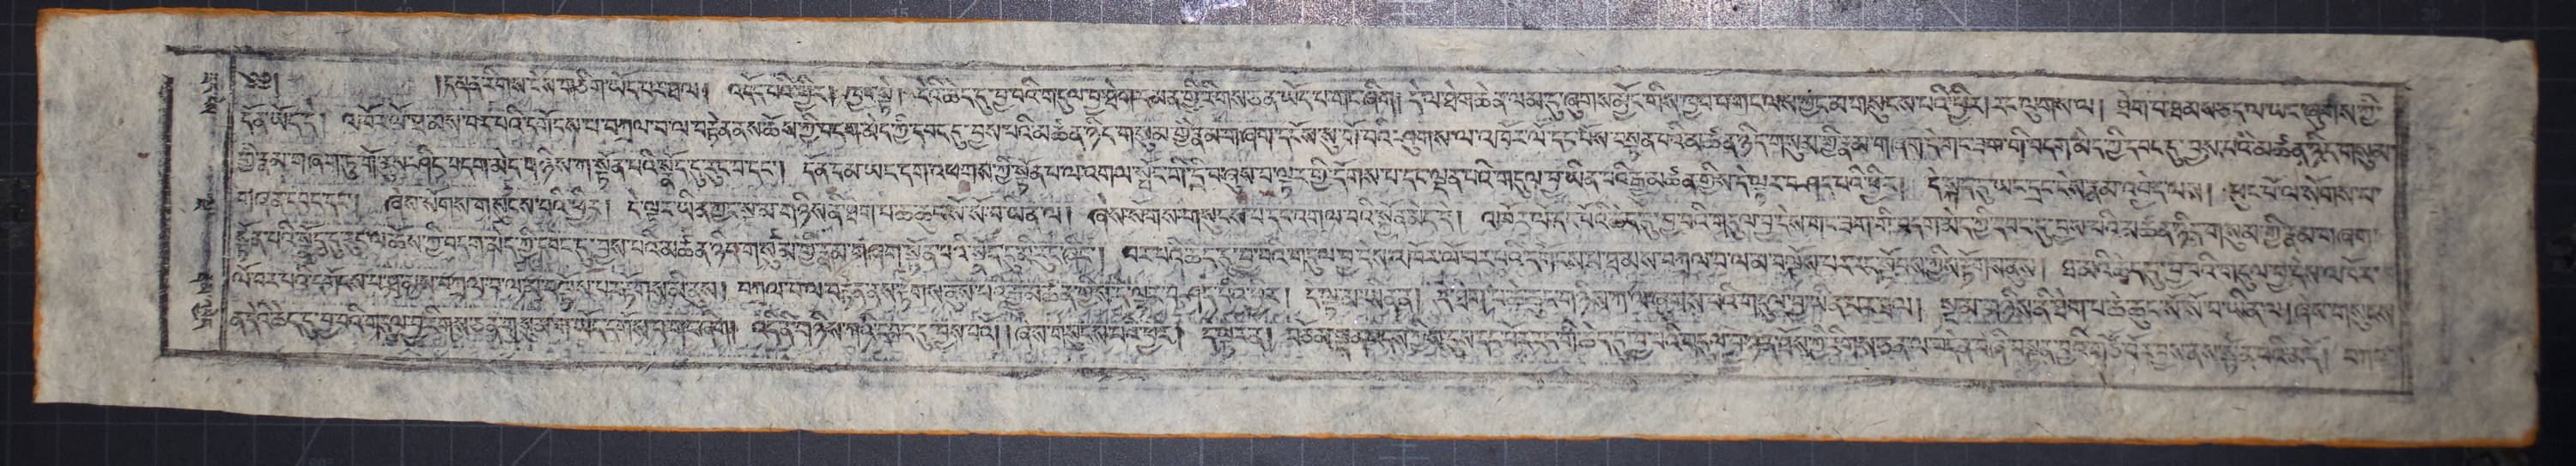༄༅། །དམན་རིགས་ངེས་གཅིག་ཡོད་པར་ཐལ། འདོད་པའི་ཕྱིར། ཁྱབ་སྟེ། དེའི་ཆེད་དུ་བྱ་བའི་གདུལ་བྱ་ཐེག་དམན་གྱི་རིགས་ཅན་ཡོད་པ་གང་ཞིག །དེ་ལ་ཐེག་ཆེན་ལམ་དུ་ཞུགས་མྱོང་གིས་ཁྱབ་པ་གང་ལས་ཀྱང་མ་གསུངས་པའི་ཕྱིར། རང་ལུགས་ལ། ཐེག་པ་ཐམས་ཅད་ལ་ཡང་ཞུགས་ཀྱི་
དོན་ཡོད་དེ། འཁོར་ལོ་ཐ་མས་བར་པའི་དགོངས་པ་བཀྲལ་བ་ལ་བརྟེན་ནས་ཆོས་ཀྱི་བདག་མེད་ཀྱི་དབང་དུ་བྱས་པའི་མཚན་ཉིད་གསུམ་གྱི་རྣམ་གཞག་དངོས་སུ་གོ་བའི་ཤུགས་ལ་འཁོར་ལོ་དང་པོས་བསྟན་པའི་མཚན་ཉིད་གསུམ་གྱི་རྣམ་གཞག་དེ་གང་ཟག་གི་བདག་མེད་ཀྱི་དབང་དུ་བྱས་པའི་མཚན་ཉིད་གསུམ་
གྱི་རྣམ་གཞག་ཏུ་གོ་ནུས་ཤིང་བདག་མེད་གཉིས་ཀ་སྟོན་པའི་སྣོད་དུ་རུང་བ་དང་། དོན་དམ་ཡང་དག་འཕགས་ཀྱིས་སྟོན་པ་ལ་འགལ་སྤོང་གི་དྲི་བ་ཞུས་པ་ལྟར་གྱི་དོགས་པ་དང་ལྡན་པའི་གདུལ་བྱ་ཡིན་པའི་རྒྱུ་མཚན་གྱིས་དེ་ལྟར་བཤད་པའི་ཕྱིར། དེ་སྐད་དུ་ཡང་དྲང་ངེས་རྣམ་འབྱེད་ལས། ཕུང་པོ་ལ་སོགས་པ་
གཞན་དབང་དང་། ཞེས་སོགས་གསུངས་པའི་ཕྱིར། དེ་ལྟར་ཡིན་ཀྱང་སྔ་མ་གཉིས་ནི་ཐེག་པ་ཆེ་ཆུང་སོ་སོ་བ་ཡིན་ལ། ཞེས་སོགས་གསུངས་པ་དང་འགལ་བའི་སྐྱོན་མེད་དེ། འཁོར་ལོ་དང་པོའི་ཆེད་དུ་བྱ་བའི་གདུལ་བྱ་དེས་གང་ཟག་གི་བདག་མེད་ཀྱི་དབང་དུ་བྱས་པའི་མཚན་ཉིད་གསུམ་གྱི་རྣམ་གཞག་
སྟོན་པའི་སྣོད་དུ་རུང་ལ་ཆོས་ཀྱི་བདག་མེད་ཀྱི་དབང་དུ་བྱས་པའི་མཚན་ཉིད་གསུམ་གྱི་རྣམ་གཞག་སྟོན་པའི་སྣོད་དུ་མི་རུང་ཞིང་། བར་པའི་ཆེད་དུ་བྱ་བའི་གདུལ་བྱ་དེས་འཁོར་ལོ་བར་པའི་དགོངས་པ་ཐ་མས་བཀྲལ་བ་ལ་མ་བལྟོས་པར་རང་སྟོབས་ཀྱིས་རྟོགས་ནུས། ཐ་མའི་ཆེད་དུ་བྱ་བའི་གདུལ་བྱ་དེས་འཁོར་
ལོ་བར་པའི་དགོངས་པ་ཐ་མས་བཀྲལ་བ་ལ་མ་བལྟོས་པར་རྟོགས་མི་ནུས། བཀྲལ་བ་ལ་བརྟེན་ནས་རྟོགས་ནུས་པའི་རྒྱུ་མཚན་གྱིས་དེ་ལྟར་བཤད་པའི་ཕྱིར། དེ་ལྟ་མ་ཡིན་ན། དེ་ཐེག་པ་ཆེ་ཆུང་གཉིས་ཀ་ལ་ཞུགས་པའི་གདུལ་བྱ་ཡིན་པར་ཐལ། སྔ་མ་གཉིས་ནི་ཐེག་པ་ཆེ་ཆུང་སོ་སོ་བ་ཡིན་ལ། ཞེས་གསུངས་
ན་དེའི་ཆེད་དུ་བྱ་བའི་གདུལ་བྱ་རིགས་ཅན་གསུམ་ག་ཡོད་དགོས་པ་གང་ཞིག །འདི་ནི་གཉིས་ཀའི་དབང་དུ་བྱས་པའོ། །ཞེས་གསུངས་པའི་ཕྱིར། དེ་ལྟར་ན། བཅོམ་ལྡན་འདས་ཀྱིས་དུས་དང་པོར་རང་གི་ཆེད་དུ་བྱ་བའི་གདུལ་བྱ་ཉན་ཐོས་ཀྱི་རིགས་ཅན་ལ་བདེན་བཞི་བསྟན་བྱའི་གཙོ་བོར་བྱས་ནས་སྟོན་པའི་མདོ། བཀའ་